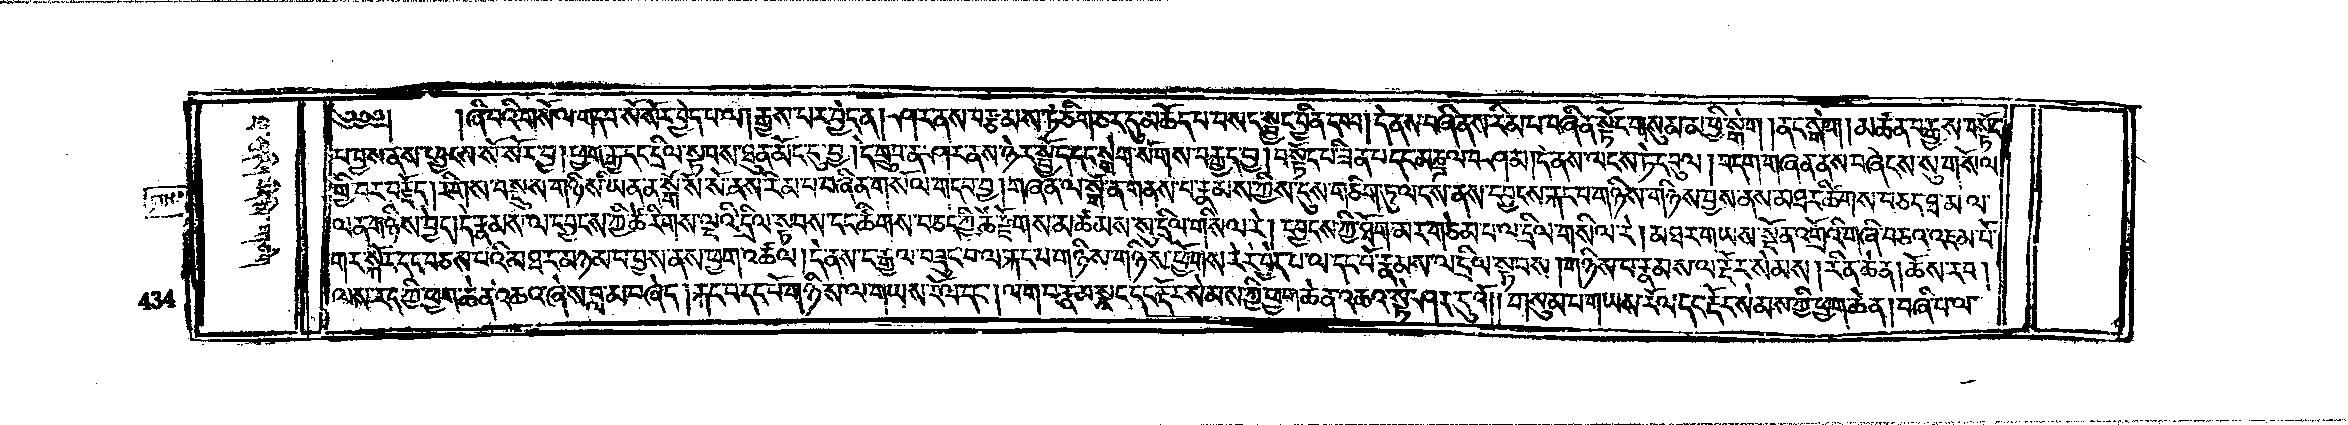༄༅༅། །ཞི་བའི་གསོལ་གདབ་སོ་སོར་བྱེད་པ་ལ། རྒྱས་པར་བྱེད་ན། ཤར་ནས་བརྩམས་ཏེ་ཅིག་ཅར་དུ་མཆོད་པ་བསང་སྦྱང་བྱིན་དབབ། དེ་ནས་བཞི་ནས་རིམ་པ་བཞིན་སྟོང་གསུམ་མ་ཕྱི་སྒེག། ནང་སྒེག། མཚན་བརྒྱས་བསྟོང་
པ་བྱས་ནས་དབྱངས་སོ་སོར་བྱ། ཕྱག་རྒྱ་དང་དྲིལ་སྟབས་ཐུན་མོང་དུ་བྱ། དེ་གྲུབ་ན་ཤར་ནས་ཉེར་སྤྱོད་དང་སྒེག་སོགས་བརྒྱད་བྱ། བསྟོང་པ་ཟིན་པ་དང་མཎྜལ་བཤམ། དེ་ནས་ལངས་ཏེ་དབུལ། བདག་གཞན་ནས་བཞེངས་སུ་གསོལ་
གྱི་བར་བརྗོད། རིགས་བསྡུས་གཉིས་ཡིན་ན་སྒོ་སོ་སོ་ནས་རིམ་པ་བཞིན་གསོལ་གདབ་བྱ། གཞན་ལ་སྒོ་ན་གནས་པ་རྣམས་ཀྱིས་དུས་གཅིག་ཏུ་ལངས་ནས་དབྱངས་རྐང་པ་གཉིས་གཉིས་བྱས་ནས་མཐར་ཚིགས་བཅད་ཐ་མལ་
ལན་གཉིས་བྱེད། དེ་རྣམས་ལ་དབྱངས་ཀྱི་ཚེ་རིགས་ལྔའི་དྲིལ་སྟབས་དང་ཚིགས་བཅད་ཀྱི་ཚེ་རྫོགས་མཚམས་སུ་དྲིལ་གསིལ་རེ། དབྱངས་ཀྱི་ཐོག་མར་གཅེམ་པ་ལ་དྲིལ་གསིལ་རེ། མཐར་གཡས་སྔོན་འགྲོའི་གཞི་བཅའ་འཇམ་པོ་
གར་སྐོར་དང་བཅས་པའི་མཐར་མཉམ་པ་བྱས་ནས་ཕྱག་འཚལ། དེ་ནས་ང་རྒྱལ་བཟུང་བ་ལ་རྐང་པ་གཉིས་གཉིས་ཕྱོགས་རེ་རེ་བྱེད་པ་ལ་དང་པོ་རྣམས་ལ་དྲིལ་སྟབས། གཉིས་པ་རྣམས་ལ་རྡོར་སེམས། རིན་ཆེན། ཆོས་རབ།
ལས་རབ་ཀྱི་ཕྱག་ཆེན་འཆའ་ཞེས་བླ་མ་བཞེད། རྐང་པ་དང་པོ་གཉིས་ལ་གཡས་རོལ་དང་། ལག་པ་རྣམ་སྣང་དང་རྡོར་སེམས་ཀྱི་ཕྱག་ཆེན་འཆའ་སྟེ་ཤར་དུའོ། །གསུམ་པ་གཡས་རོལ་དང་རྡོར་སེམས་ཀྱི་ཕྱག་ཆེན། བཞི་པ་ལ་